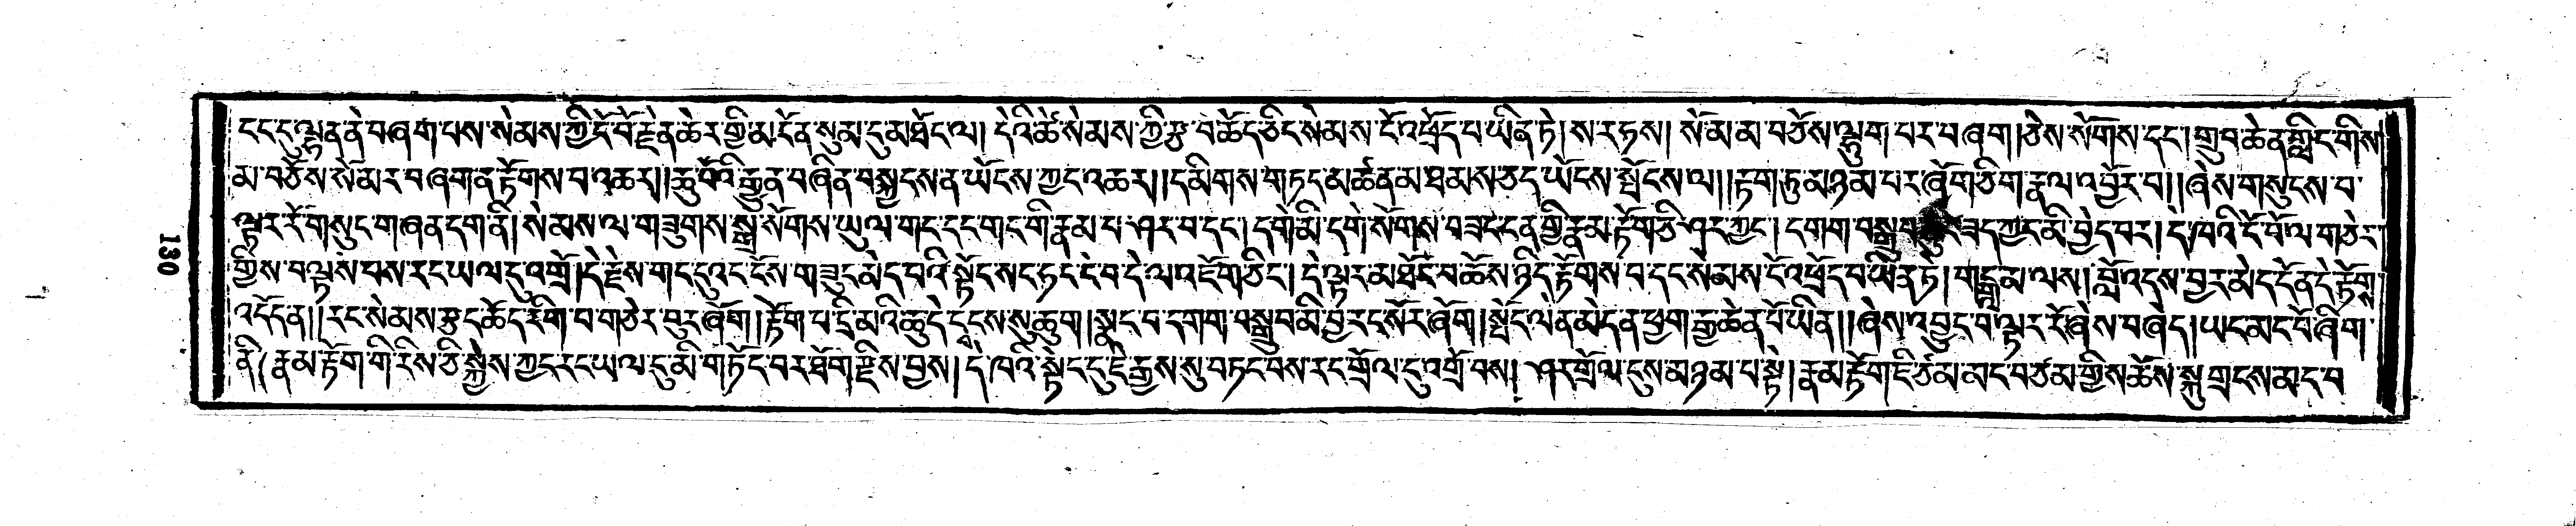ངང་དུ་ལྷན་ནེ་བཞག་པས་སེམས་ཀྱི་ངོ་བོ་རྗེན་ཆེར་གྱི་མངོན་སུམ་དུ་མཐོང་ལ། དེའི་ཚེ་སེམས་ཀྱི་རྩ་བ་ཆོད་ཅིང་སེམས་ངོ་འཕྲོད་པ་ཡིན་ཏེ། ས་ར་ཧས། སོ་མ་མ་བཅོས་ལྷུག་པར་བཞག །ཅེས་སོགས་དང་། གྲུབ་ཆེན་གླིང་གིས་
མ་བཅོས་སོ་མར་བཞག་ན་རྟོགས་པ་འཆར། །ཆུ་བོའི་རྒྱུན་བཞིན་བསྐྱངས་ན་ཡོངས་ཀྱང་འཆར། །དམིགས་གཏད་མཚན་མ་ཐམས་ཅད་ཡོངས་སྤོངས་ལ། །རྟག་ཏུ་མཉམ་པར་ཞོག་ཅིག་རྣལ་འབྱོར་པ། །ཞེས་གསུངས་པ་
ལྟར་རོ་གསུང་གཞན་དག་ནི། སེམས་ལ་གཟུགས་སྒྲ་སོགས་ཡུལ་གང་དང་གང་གི་རྣམ་པ་ཤར་བ་དང་། དགེ་མི་དགེ་སོགས་བཟང་ངན་གྱི་རྣམ་རྟོག་ཅི་ཤར་ཀྱང་། དགག་བསྒྲུབ་ཅུང་ཟད་ཀྱང་མི་བྱེད་པར། དེ་ཁའི་ངོ་བོ་ལ་གཅེར་
གྱིས་བལྟས་པས་རང་ཡལ་དུ་འགྲོ། དེ་རྗེས་གང་དུའང་ངོས་གཟུང་མེད་པའི་སྟོང་སང་ཧང་ངེ་བ་དེ་ལ་འཇོག་ཅིང་། དེ་ལྟར་མཐོང་བ་ཆོས་ཉིད་རྟོགས་པ་དང་སེམས་ངོ་འཕྲོད་པ་ཡིན་ཏེ། གངྒཱ་མ་ལས། བློ་འདས་བྱར་མེད་དོན་དེ་རྟོགས་
འདོད་ན། །རང་སེམས་རྩད་ཆོད་རིག་པ་གཅེར་བུར་ཞོག །རྟོག་པ་དྲི་མའི་ཆུ་དེ་དྭངས་སུ་ཆུག །སྣང་བ་དགག་བསྒྲུབ་མི་བྱ་རང་སོར་ཞོག །སྤོང་ལེན་མེད་ན་ཕྱག་རྒྱ་ཆེན་པོ་ཡིན། །ཞེས་འབྱུང་བ་ལྟར་རོ་ཞེས་བཞེད། ཡང་མང་པོ་ཞིག་
ནི། རྣམ་རྟོག་གི་རིས་ཅི་སྐྱེས་ཀྱང་རང་ཡལ་དུ་མི་གཏོང་བར་ཐོག་རྫིས་བྱས། དེ་ཁའི་སྟེང་དུ་ཇེ་རྒྱས་སུ་བཏང་བས་རང་གྲོལ་དུ་འགྲོ་བས། ཤར་གྲོལ་དུས་མཉམ་པ་སྟེ། རྣམ་རྟོག་ཇི་ཙམ་མང་པོ་ཙམ་གྱིས་ཆོས་སྐུ་གྲངས་མང་བ་